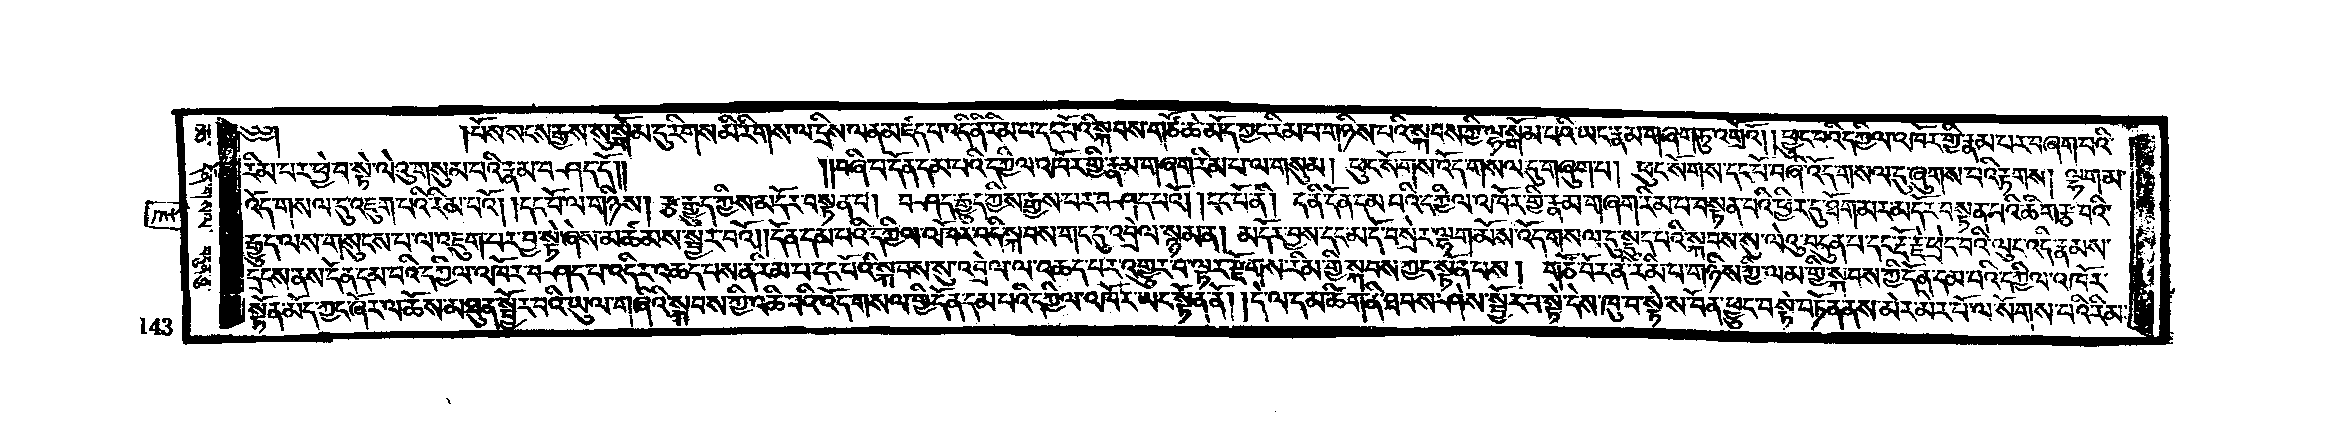༄༅། །པོས་སངས་རྒྱས་སུ་སྒོམ་དུ་རིགས་མི་རིགས་ལ་དྲིས་ལན་མཛད་པ་འདི་ནི་རིམ་པ་དང་པོའི་སྐབས་གཙོ་ཆེ་མོད་ཀྱང་རིམ་པ་གཉིས་པའི་སྐབས་ཀྱི་ལྷ་སྒོམ་པའི་ཡང་རྣམ་གཞག་ཏུ་འགྲོའོ། །ཕྱུང་བའི་དཀྱིལ་འཁོར་གྱི་རྣམ་པར་བཞག་པའི་
རིམ་པར་ཕྱེ་བ་སྟེ་ལེའུ་གསུམ་པའི་རྣམ་བཤད་དོ།། །།བཞི་པ་དོན་དམ་པའི་དཀྱིལ་འཁོར་གྱི་རྣམ་གཞག་རིམ་པ་ལ་གསུམ། ཕུང་སོགས་འོད་གསལ་དུ་གཞུག་པ། ཕུང་སོགས་དང་པོ་བཞི་འོད་གསལ་དུ་ཞུགས་པའི་རྟགས། ལྷག་མ་
འོད་གསལ་དུ་འཇུག་པའི་རིམ་པའོ། །དང་པོ་ལ་གཉིས། རྩ་རྒྱུད་ཀྱིས་མདོར་བསྟན་པ། བཤད་རྒྱུད་ཀྱིས་རྒྱས་པར་བཤད་པའོ། །དང་པོ་ནི། ད་ནི་དོན་དམ་པའི་དཀྱིལ་འཁོར་གྱི་རྣམ་གཞག་རིམ་པ་བསྟན་པའི་ཕྱིར་དུ་ཐོག་མར་མདོར་བསྟན་པའི་ཚིག་རྩ་བའི་
རྒྱུད་ལས་གསུངས་པ་ལ་འཇུག་པར་བྱ་སྟེ་ཞེས་མཚམས་སྦྱར་བའོ། །དོན་དམ་པའི་དཀྱིལ་འཁོར་འདི་སྐབས་གང་དུ་འབྲེལ་སྙམ་ན། མདོར་བྱས་དང་མདོ་བསྲེར་ལྷག་མོས་འོད་གསལ་དུ་སྡུད་པའི་སྐབས་སུ་ལེའུ་བདུན་པ་དང་རྡོ་རྗེ་ཕྲེང་བའི་ལུང་འདི་རྣམས་
དྲངས་ནས་དོན་དམ་པའི་དཀྱིལ་འཁོར་བཤད་པ་འདིར་འཆད་པས་ན་རིམ་པ་དང་པོའི་སྐབས་སུ་འབྲེལ་ལ་འཆད་པར་འགྱུར་བ་ལྟར་རྫོགས་རིམ་གྱི་སྐབས་ཀྱང་སྟོན་པས། གཙོ་བོར་ནི་རིམ་པ་གཉིས་ཀྱི་ལམ་གྱི་སྐབས་ཀྱི་དོན་དམ་པའི་དཀྱིལ་འཁོར་
སྟོན་མོད་ཀྱང་ཞོར་ལ་ཆོས་མཐུན་སྦྱོར་བའི་ཡུལ་གཞིའི་སྐབས་ཀྱི་འཆི་བའི་འོད་གསལ་གྱི་དོན་དམ་པའི་དཀྱིལ་འཁོར་ཡང་སྟོན་ནོ། །དེ་ལ་དམ་ཚིག་ནི་ཐབས་ཤེས་སྦྱོར་པ་སྟེ་དེས་ཁུ་བ་སྟེ་ས་བོན་ཕྱུང་བ་སྟེ་བཏོན་ནས་མེར་མེར་པོ་ལ་སོགས་པའི་རིམ་